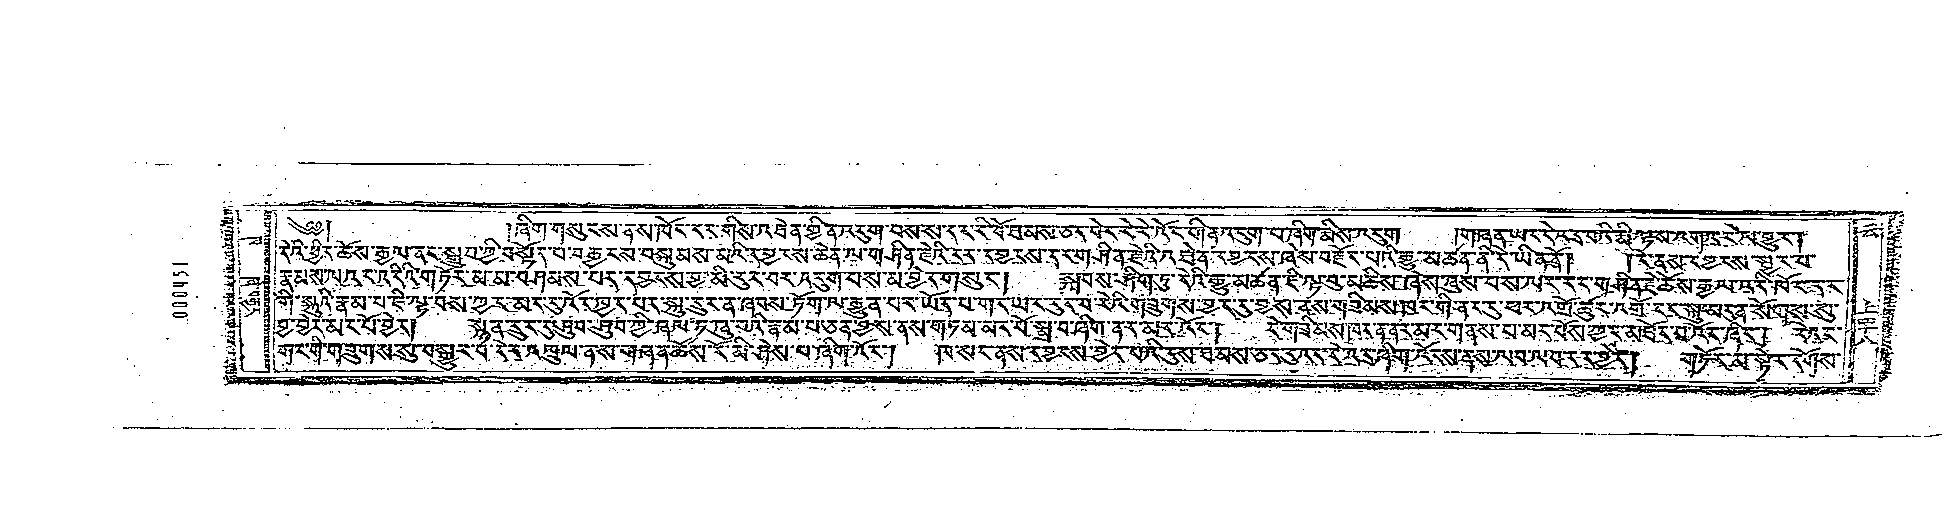༄༅། །ཞིག་གསུངས་ནས་ཁོང་ངང་གིས་འཐེན་གྱི་ན་འདུག་པས་ས་དང་རི་བོ་ཐམས་ཅད་བེར་རེ་རེ་འོང་གིན་འདུག་པ་ཞིག་རྨིས་འདུག །གཞན་ཡང་དེ་འདྲ་བའི་རྨི་ལྟས་འགའ་རེ་ལ་བྱུང་།
དེའི་ཕྱིར་ཆོས་རྒྱལ་ནང་སྒྲུབ་ཀྱི་བསྟོད་པ་བརྒྱངས་བསྐུམས་མའི་དབྱངས་ཆེན་ལ་གཤིན་རྗེའི་དར་དབྱངས་དང་གཤིན་རྗེའི་འཐེན་དབྱངས་ཞེས་བརྗོད་པའི་རྒྱུ་མཚན་ནི་དེ་ཡིན་ནོ། །དེ་ནས་དབྱངས་སྦྱར་པ་
རྣམས་ལའང་འདིར་གཏོར་མ་མ་བཤམས་པར་དབྱངས་བྱ་མི་རུང་བར་འདུག་པས་མ་བྱེད་གསུང་། སྐབས་ཤིག་ཏུ་རེའི་རྒྱུ་མཚན་ཇི་ལྟ་བུ་མཆིས་ཞེས་ཞུས་པས་ལར་རང་གཤིན་རྗེ་ཆོས་རྒྱལ་འདི་ཁོང་རང་
གི་སྐུའི་རྣམ་པ་ཇི་ལྟ་བས་ཀྱང་མང་དུ་འོང་ཁྱད་པར་སྐུ་དྲུང་ན་ཞབས་ཏོག་ལ་རྒྱུན་པར་ཡོད་པ་གང་ཡང་རུང་བ་རེའི་གཟུགས་བྱང་དུ་བྱས་ནས་གཟིམས་ཁང་གི་ནང་དུ་ཕར་འགྲོ་ཚུར་འགྲོ་ངང་སྐུ་མདུན་སོགས་སུ་
བྱ་བྱེད་མང་པོ་བྱེད། སྙན་དྲུང་དུ་ཤུབ་ཤུབ་ཀྱི་ཞལ་ཏ་ཞུ་བའི་རྣམ་པ་ཅན་བྱས་ནས་གཏམ་མང་པོ་སྨྲ་བ་ཞིག་ནར་མར་འོང་། དེ་གཟིམས་ཁང་ན་ནར་མར་གནས་པ་མང་པོས་ཀྱང་མཐོང་བ་འོང་ཞིང་། དེའང་
གང་གི་གཟུགས་སུ་བསྒྱུར་བ་དེར་འཁྲུལ་ནས་གཞན་ཆོས་དོ་མི་ཤེས་པ་ཞིག་འོང་། ཁ་སང་ནས་དབྱངས་བྱེད་པའི་དུས་ཐམས་ཅད་དུའང་དེ་འདྲ་ཞིག་འོངས་ནས་ལབ་ལབ་ངད་བྱེད། གཏོར་མ་སྟེར་དགོས་